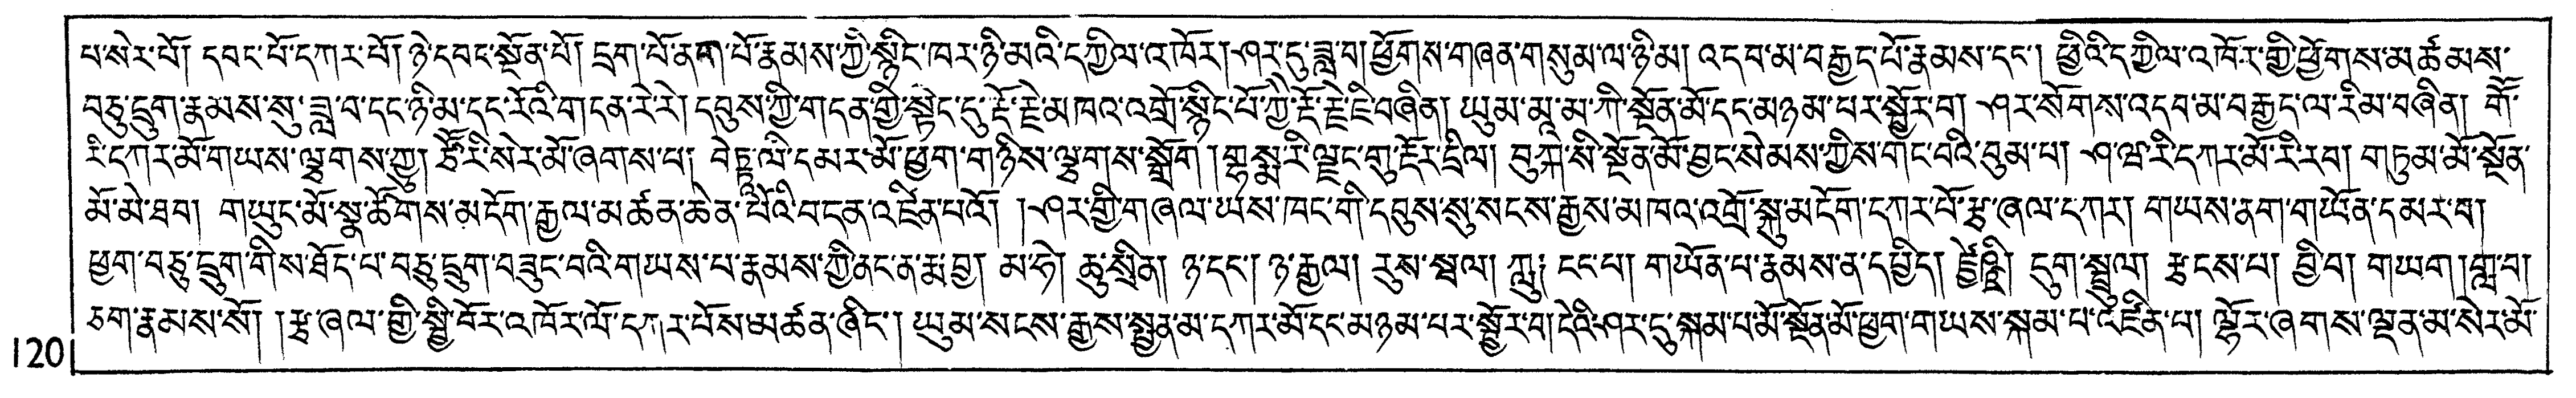པ་སེར་པོ། དབང་པོ་དཀར་པོ། ཉེ་དབང་སྔོན་པོ། དྲག་པོ་ནག་པོ་རྣམས་ཀྱི་སྙིང་ཁར་ཉི་མའི་དཀྱིལ་འཁོར། ཤར་དུ་ཟླ་བ། ཕྱོགས་གཞན་གསུམ་ལ་ཉི་མ། འདབ་མ་བརྒྱད་པོ་རྣམས་དང་། ཕྱིའི་དཀྱིལ་འཁོར་གྱི་ཕྱོགས་མཚམས་
བཅུ་དྲུག་རྣམས་སུ་ཟླ་བ་དང་ཉི་མ་དང་རོའི་གདན་རེ་རེ། དབུས་ཀྱི་གདན་གྱི་སྟེང་དུ་རྡོ་རྗེ་མཁའ་འགྲོ་སྙིང་པོ་ཀྱཻ་རྡོ་རྗེ་ཇི་བཞིན། ཡུམ་མཱ་མ་ཀི་སྔོན་མོ་དང་མཉམ་པར་སྦྱོར་བ། ཤར་སོགས་འདབ་མ་བརྒྱད་ལ་རིམ་བཞིན། གཽ་
རི་དཀར་མོ་གཡས་ལྕགས་ཀྱུ། ཙཽ་རི་སེར་མོ་ཞགས་པ། བེཏྟཱ་ལི་དམར་མོ་ཕྱག་གཉིས་ལྕགས་སྒྲོག །གྷསྨ་རི་ལྗང་གུ་རྡོར་དྲིལ། བུཀྐ་སི་སྔོན་མོ་བྱང་སེམས་ཀྱིས་གང་བའི་བུམ་པ། ཤ་ཝ་རི་དཀར་མོ་རི་རབ། གཏུམ་མོ་སྔོན་
མོ་མེ་ཐབ། གཡུང་མོ་སྣ་ཚོགས་མདོག་རྒྱལ་མཚན་ཆེན་པོའི་བ་དན་འཛིན་པའོ། །ཤར་གྱི་གཞལ་ཡས་ཁང་གི་དབུས་སུ་སངས་རྒྱས་མཁའ་འགྲོ་སྐུ་མདོག་དཀར་པོ་རྩ་ཞལ་དཀར། གཡས་ནག་གཡོན་དམར་བ།
ཕྱག་བཅུ་དྲུག་གིས་ཐོད་པ་བཅུ་དྲུག་བཟུང་བའི་གཡས་པ་རྣམས་ཀྱི་ནང་ན་རྨ་བྱ། མ་ཧེ། ཆུ་སྲིན། ཉ་དང་། ཉ་རྒྱལ། རུས་སྦལ། ཀླུ༑ ངང་པ། གཡོན་པ་རྣམས་ན་དཔྱིད། ཛྱེཥཊཿཨི། དུག་སྦྲུལ། རྩངས་པ། བྱི་བ། གཡག །གླ་བ།
ཅག་རྣམས་སོ། །རྩ་ཞལ་གྱི་སྤྱི་བོར་འཁོར་ལོ་དཀར་པོས་མཚན་ཞིང་། ཡུམ་སངས་རྒྱས་སྤྱན་མ་དཀར་མོ་དང་མཉམ་པར་སྦྱོར་བ། དེའི་ཤར་དུ་སྐམ་པ་མོ་སྔོན་མོ་ཕྱག་གཡས་སྐམ་པ་འཛིན་པ། ལྷོར་ཞགས་ལྡན་མ་སེར་མོ་